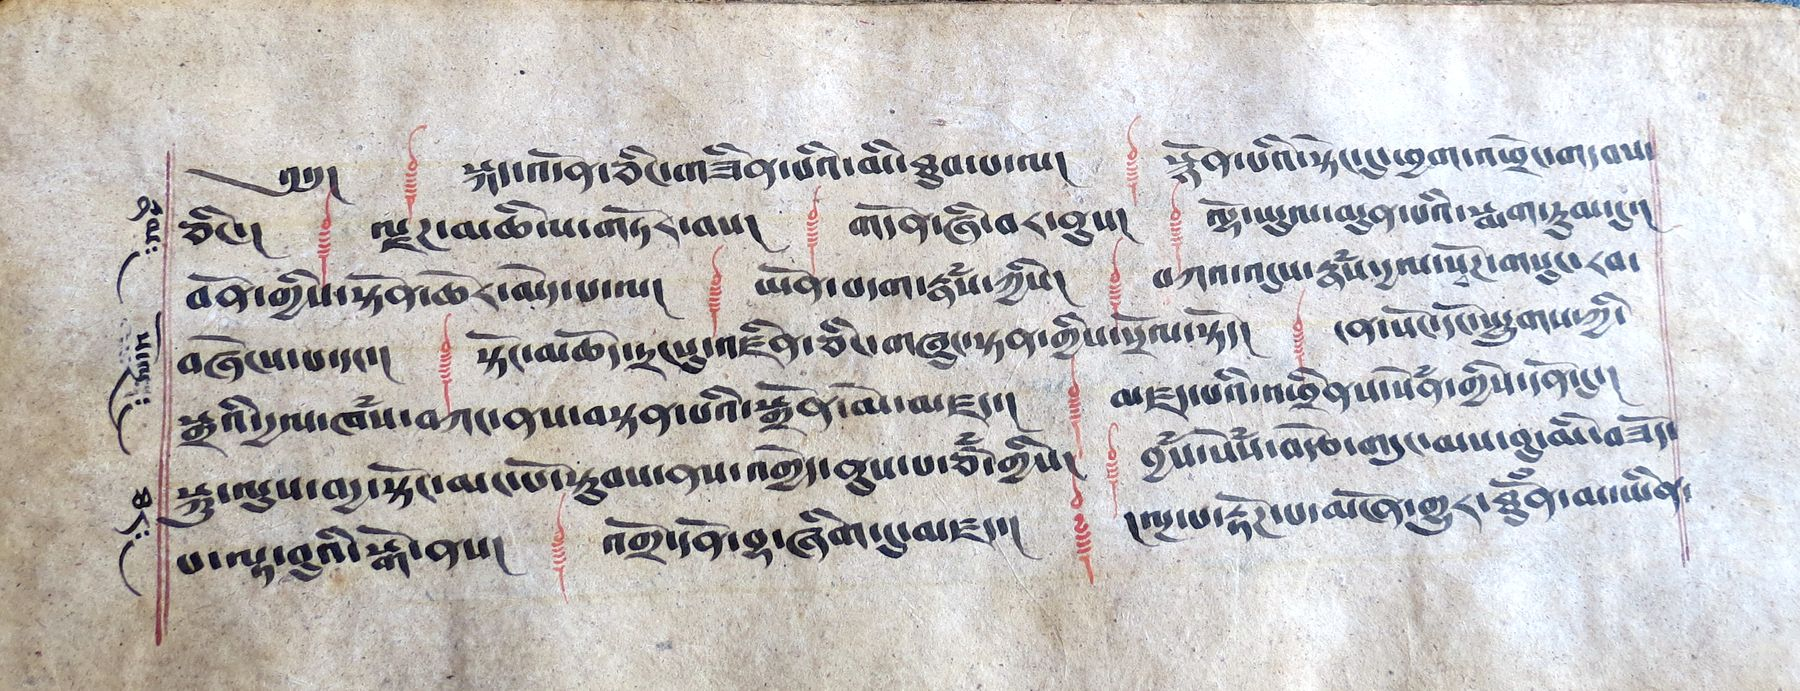སྐད་འདོན་ཞིང་འཛིན་མི་ཐུབ་པ་ལ་སྨྱོན་པའི་སྟེང་དུ་ཕྱག་ཕྲེང་གདབས་
ཤིང་། ལྗགས་མཆིལ་གཏོར་བས། གདོན་ཞི་བར་ནུས། ལྷོ་ཡུལ་མུན་པའི་སྨག་རུམ་དུ། 
བོན་གྱི་བསྟན་པ་ཆེར་མེད་པ་ལ་ཡོན་བདག་རྣམས་ཀྱིས། བཀའ་འདུས་རྣམ་རྒྱལ་སོགས་གསུང་རབ་
བཞེངས་པ་དང་། སྟོང་མཆོད་གྲངས་སུ་འཛིན་ཞིང་གཞུང་འདོན་གྱི་སྲོལ་གཏོད། ངན་སོང་དོང་སྤྲུགས་ཀྱི་
སྒྲའི་རྒྱལ་ཁམས་བཀངས་ནས་བསྟན་པའི་སྒྲོན་མེ་མཛད། མཛད་པའི་འཕྲིན་ལས་སེམས་ཅན་གྱི་དོན་དུ། 
སྐུ་ལུས་བརྒྱ་སྟོང་མང་པོར་བཏུབས་ནས་འགྱེད་ནུས་པ་ཙམ་གྱིས། བྱམས་སེམས་བརྩེ་གདུང་མས་བུ་མི་བཟོད་
པ་ལྟ་བུའི་སྒོ་ནས། འགྲོ་དོན་འབའ་ཞིག་ཏུ་མཛད། ། ལྔ་པ་རྟོགས་པ་མངོན་གྱུར་ཐུན་མོང་མ་ཡིན་པ་